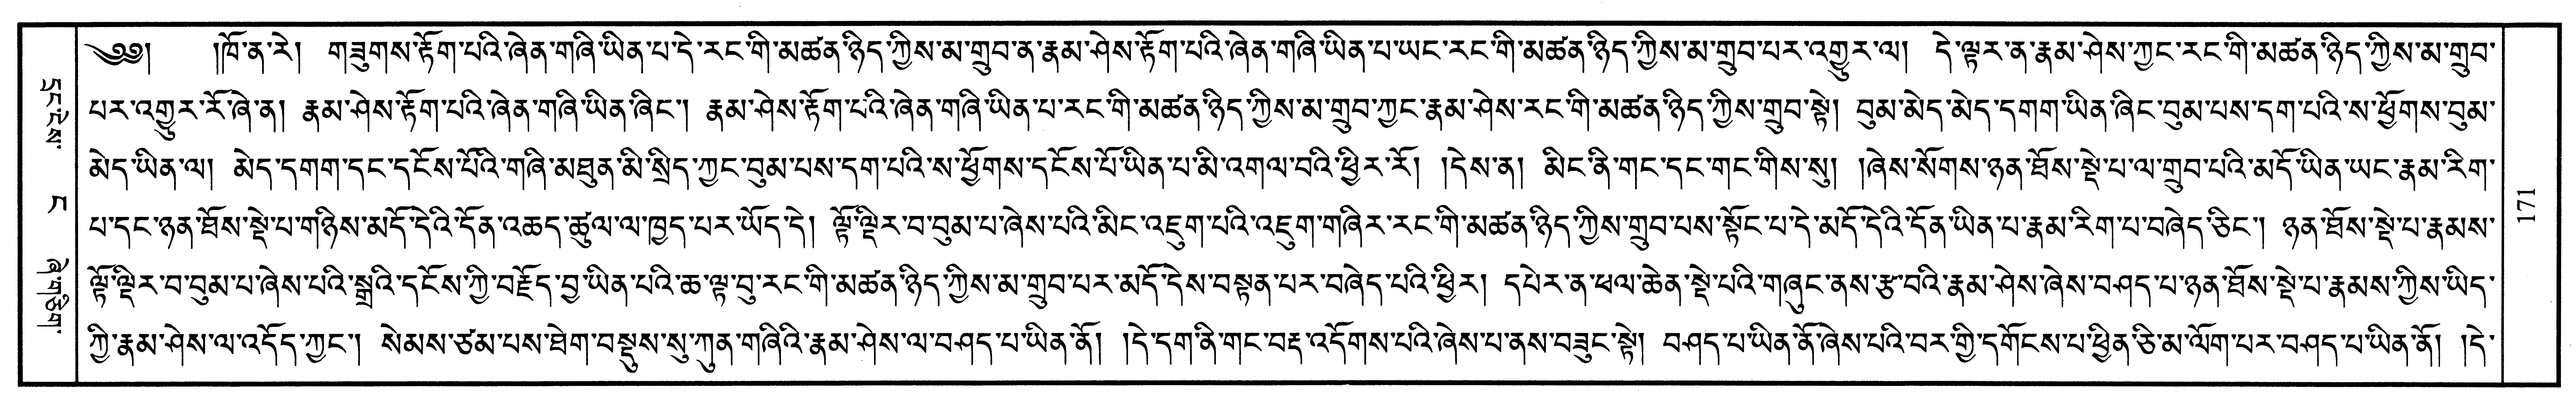༄༅། །ཁོ་ན་རེ། གཟུགས་རྟོག་པའི་ཞེན་གཞི་ཡིན་པ་དེ་རང་གི་མཚན་ཉིད་ཀྱིས་མ་གྲུབ་ན་རྣམ་ཤེས་རྟོག་པའི་ཞེན་གཞི་ཡིན་པ་ཡང་རང་གི་མཚན་ཉིད་ཀྱིས་མ་གྲུབ་པར་འགྱུར་ལ། དེ་ལྟར་ན་རྣམ་ཤེས་ཀྱང་རང་གི་མཚན་ཉིད་ཀྱིས་མ་གྲུབ་
པར་འགྱུར་རོ་ཞེ་ན། རྣམ་ཤེས་རྟོག་པའི་ཞེན་གཞི་ཡིན་ཞིང་། རྣམ་ཤེས་རྟོག་པའི་ཞེན་གཞི་ཡིན་པ་རང་གི་མཚན་ཉིད་ཀྱིས་མ་གྲུབ་ཀྱང་རྣམ་ཤེས་རང་གི་མཚན་ཉིད་ཀྱིས་གྲུབ་སྟེ། བུམ་མེད་མེད་དགག་ཡིན་ཞིང་བུམ་པས་དག་པའི་ས་ཕྱོགས་བུམ་
མེད་ཡིན་ལ། མེད་དགག་དང་དངོས་པོའི་གཞི་མཐུན་མི་སྲིད་ཀྱང་བུམ་པས་དག་པའི་ས་ཕྱོགས་དངོས་པོ་ཡིན་པ་མི་འགལ་བའི་ཕྱིར་རོ། །དེས་ན། མིང་ནི་གང་དང་གང་གིས་སུ། །ཞེས་སོགས་ཉན་ཐོས་སྡེ་པ་ལ་གྲུབ་པའི་མདོ་ཡིན་ཡང་རྣམ་རིག་
པ་དང་ཉན་ཐོས་སྡེ་པ་གཉིས་མདོ་དེའི་དོན་འཆད་ཚུལ་ལ་ཁྱད་པར་ཡོད་དེ། ལྟོ་ལྡིར་བ་བུམ་པ་ཞེས་པའི་མིང་འཇུག་པའི་འཇུག་གཞིར་རང་གི་མཚན་ཉིད་ཀྱིས་གྲུབ་པས་སྟོང་པ་དེ་མདོ་དེའི་དོན་ཡིན་པ་རྣམ་རིག་པ་བཞེད་ཅིང་། ཉན་ཐོས་སྡེ་པ་རྣམས་
ལྟོ་ལྡིར་བ་བུམ་པ་ཞེས་པའི་སྒྲའི་དངོས་ཀྱི་བརྗོད་བྱ་ཡིན་པའི་ཆ་ལྟ་བུ་རང་གི་མཚན་ཉིད་ཀྱིས་མ་གྲུབ་པར་མདོ་དེས་བསྟན་པར་བཞེད་པའི་ཕྱིར། དཔེར་ན་ཕལ་ཆེན་སྡེ་པའི་གཞུང་ནས་རྩ་བའི་རྣམ་ཤེས་ཞེས་བཤད་པ་ཉན་ཐོས་སྡེ་པ་རྣམས་ཀྱིས་ཡིད་
ཀྱི་རྣམ་ཤེས་ལ་འདོད་ཀྱང་། སེམས་ཙམ་པས་ཐེག་བསྡུས་སུ་ཀུན་གཞིའི་རྣམ་ཤེས་ལ་བཤད་པ་ཡིན་ནོ། །དེ་དག་ནི་གང་བརྡ་འདོགས་པའི་ཞེས་པ་ནས་བཟུང་སྟེ། བཤད་པ་ཡིན་ནོ་ཞེས་པའི་བར་གྱི་དགོངས་པ་ཕྱིན་ཅི་མ་ལོག་པར་བཤད་པ་ཡིན་ནོ། །དེ་